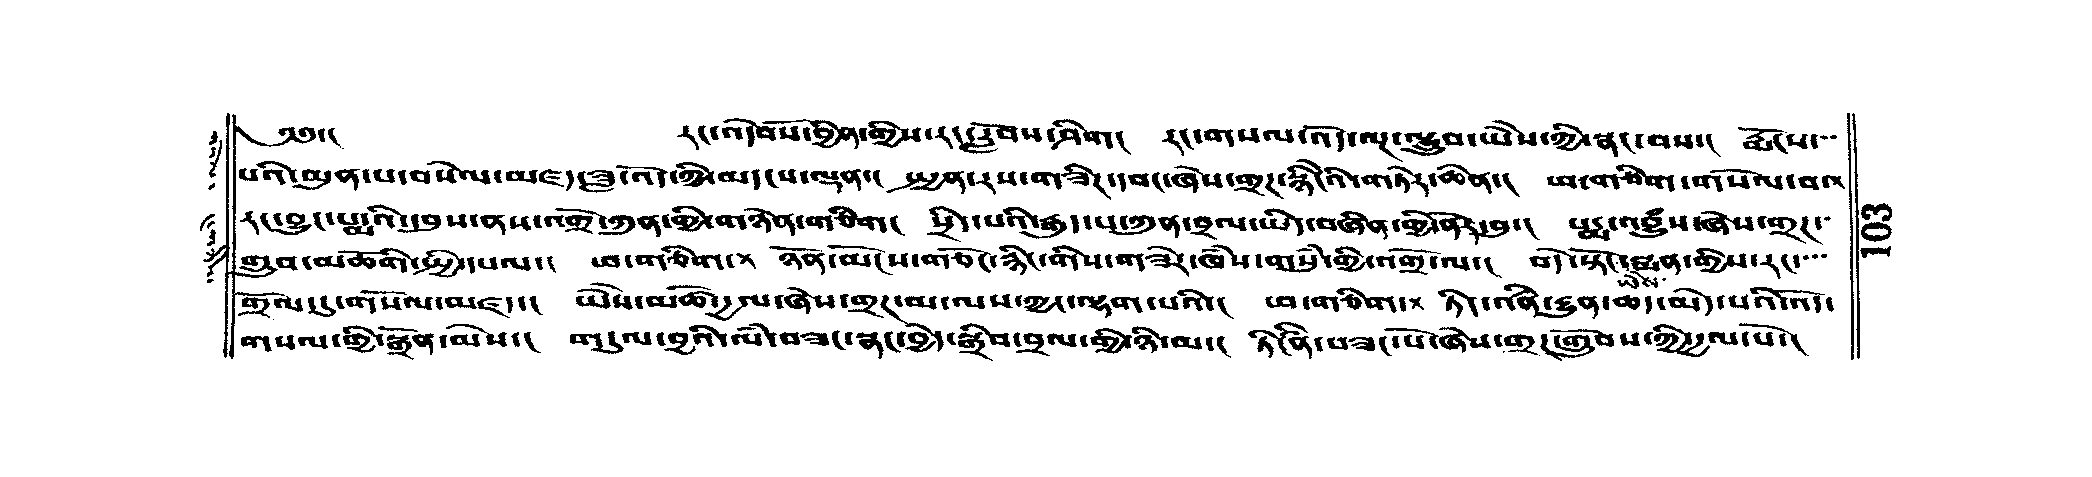འདེབས་སོ་བྱིན་གྱིས་རང་རློབས་ཤིག །རང་གསལ་འོད་ལྔ་ལྷུན་གྲུབ་ཡེ་ཤེས་ཀྱི་སྣང་བས། །རྨོངས་
པའི་མུན་པ་སེལ་མཛད་ཟླ་འོད་ཀྱི་མདངས་ལྡན། །སྤྱན་རས་གཟིགས་དབང་ཞེས་གྲགས་སྙིང་རྗེ་ཡི་གཏེར་ཆེན། །ཕ་གཅིག་གསོལ་བ༴ །
རང་འབྱུང་པདྨའི་དབུས་ནས་འགྲོ་ཀུན་གྱི་གཉེན་གཅིག །སྲིད་པའི་རྒུད་པ་ཀུན་བྲལ་ཡིད་བཞིན་གྱི་ནོར་བུ། །པདྨ་འབྱུང་གནས་ཞེས་གྲགས་
གྲུབ་མཆོག་གི་སྤྱི་དཔལ། ཕ་གཅིག༴ །ཉོན་མོངས་གཅོང་རྙིང་གིས་གཟིར་ཁམས་གསུམ་གྱི་འགྲོ་ལ། །བདེ་སྟོང་ཡེ་ཤེས་སྨན་གྱིས་རང་
གྲོལ་དུ་བསལ་མཛད། །ཡེ་ཤེས་མཚོ་རྒྱལ་ཞེས་གྲགས་མ་ལས་ཀྱང་ལྷག་པའི། །ཕ་གཅིག༴ །ཏིང་འཛིན་རྒྱུན་ཆད་མེད་པའི་འོད་
གསལ་གྱི་སྒྲོན་མེས། །གདུལ་བྱའི་ལམ་བཟང་སྣང་བྱེད་སྒྲིབ་བྲལ་གྱི་ཉི་མ། །ཏིང་འཛིན་བཟང་པོ་ཞེས་གྲགས་གྲུབ་ཐོབ་ཀྱི་རྒྱལ་པོ།